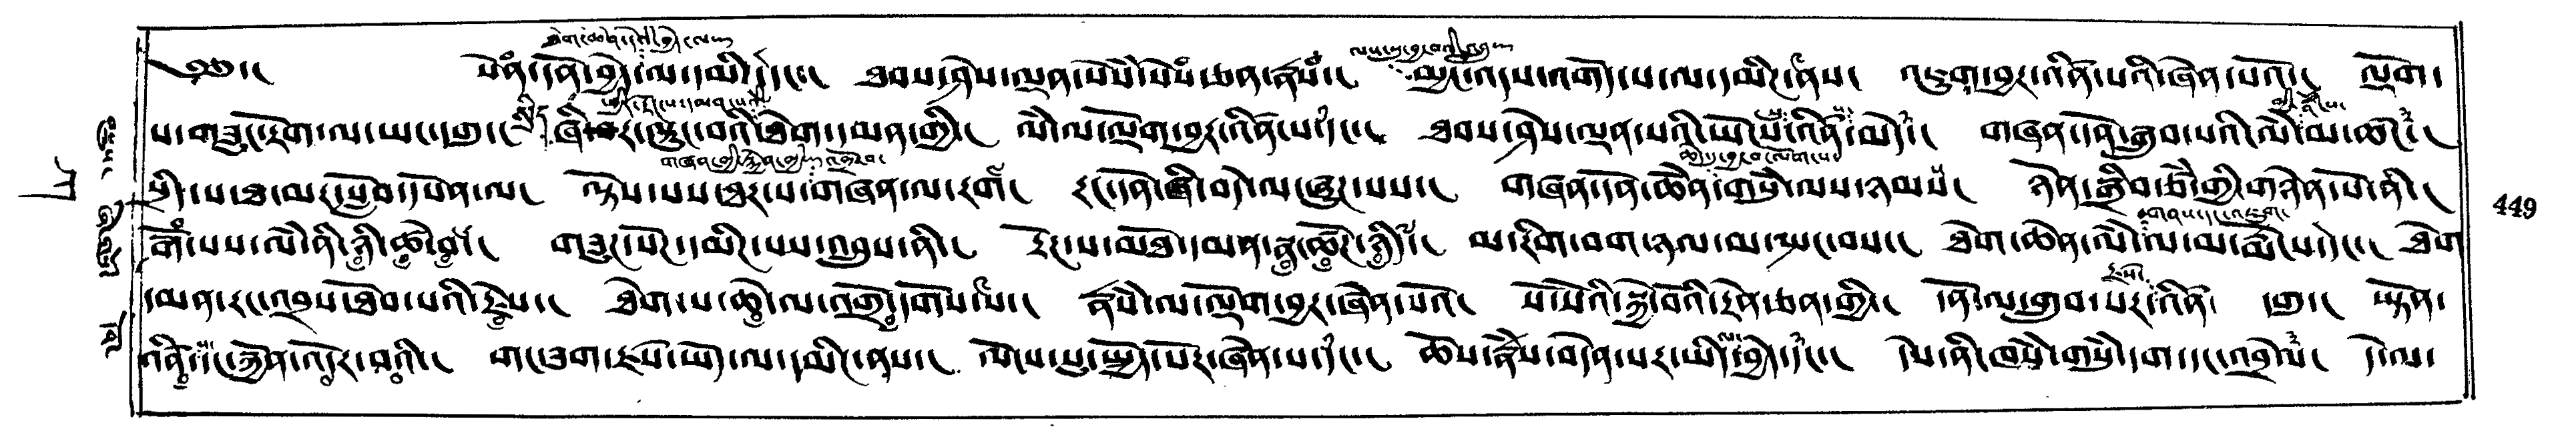སེམས་ཅན་དོན་བྱེད་ཐེག་ཆེན་དེའི་བྱེད་ལས་ལ་དམིགས་དང་། །ཐབས་ཤེས་ལྡན་པས་སེམས་ཅན་རྣམས།། ལས་སུ་བྱ་བའི་འབྲས་བུ་མྱང་འདས་འགོད་པ་ལ་དམིགས་ནས། །འཇུག་བྱར་འཛིན་པའི་ཞེན་པའོ། །ལྡོག་
པ་གཟུང་རྟོག་ལ་ཡང་དགུ། །སྲིད་ཞིར་ལྟུང་བའི་ཕྱིར་རྟོགས་པ་དམན་པའི་ཐེག་དམན་གྱི། །ལམ་ལ་ལྡོག་བྱར་འཛིན་པ་དང་། །ཐབས་ཤེས་ལྡན་པའི་ཡོངས་སུ་འཛིན་པ་མེད། །གཞན་དོན་སྒྲུབ་པའི་ལམ་གྱི་རྣམ་པ་མ་ཚང་། །
སྲིད་པ་ཐ་མར་སློབ་དཔོན་ལ། །ལྟོས་པས་ཐར་པ་གཞན་གྱི་རྐྱེན་གྱིས་འགྲོ་བ་གཞན་ལ་རག །རང་དོན་ཞི་བདེ་ལ་ཞུགས་པས། །གཞན་དོན་ཆེན་པོ་ཆེད་དུ་བྱ་བ་ལོག་པ་གསུམ་ལས་ཉམས། །ཉོན་སྒྲིབ་ཙམ་གྱི་གཉེན་པོ་ནི། །
སྒོམ་པས་ལམ་ནི་ཉི་ཚེ་བ། །གཟུགས་སོགས་དམིགས་པས་འབྲས་བུ་ནི། །རྟོགས་པ་མཐོ་དམན་སྣ་ཚོགས་ཉིད། །མ་རིག་བག་ཉལ་མ་སྤང་བས། །ཐེག་ཆེན་ལམ་ལ་གནས་དང་འཇུག་མ་རྨོངས་དང་། །ཐེག་
དམན་རང་འབྲས་ཐོབ་པའི་རྗེས། །ཐེག་པ་ཆེ་ལ་འགྲོ་དགོས་པ། །རྣམས་ལ་ལྡོག་བྱར་ཞེན་པའོ། །སོ་སོའི་སྐྱེ་བོའི་རྟེན་ཅན་གྱི། །དོན་ལ་གྲུབ་པར་རྫས་འཛིན་དགུ། །ཡོན་ཏན་
འཛིན་དང་སྐྱོན་འདོར་བའི། །གང་ཟག་རྫས་ཡོད་ལ་དམིགས་ནས། །ལོངས་སུ་སྤྱོད་པོར་ཞེན་པ་དང་། །ཆོས་རྣམས་བདེན་པར་ཡིད་བྱེད་དང་། །དེས་ནི་ཁམས་གསུམ་དག་དང་འབྲེལ། །དེ་ལ་